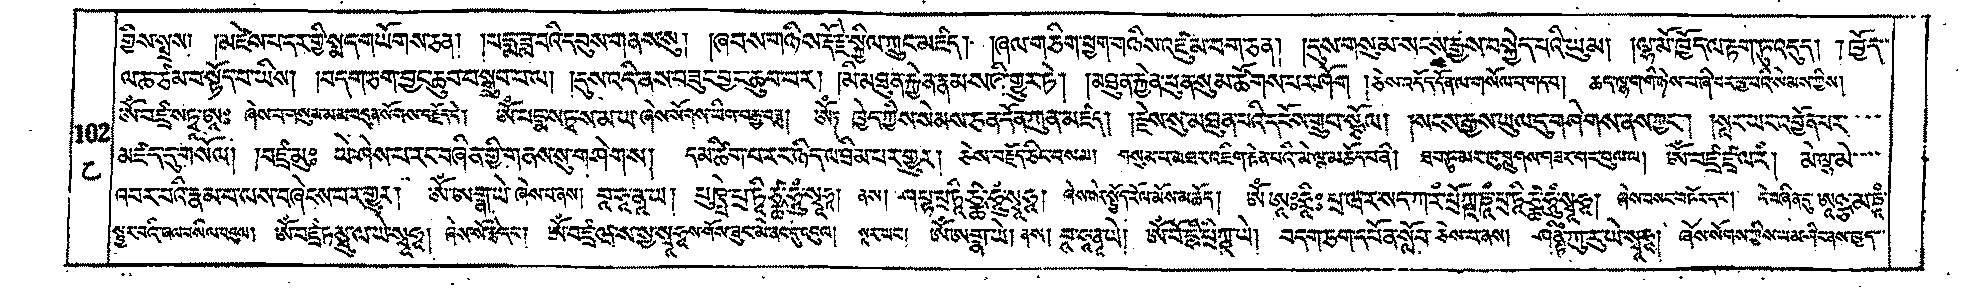གྱིས་སྤྲས། །མཛེས་པ་དར་གྱི་སྨད་གཡོགས་ཅན། །པདམ་ཟླ་བའི་དབུས་གནས་སུ། །ཞབས་གཉིས་རྡོ་རྗེ་སྐྱིལ་ཀྲུང་མཛད། །ཞལ་གཅིག་ཕྱག་གཉིས་འཛུམ་བག་ཅན། །དུས་གསུམ་སངས་རྒྱས་བསྐྱེད་པའི་ཡུམ། །ལྷ་མོ་ཁྱོད་ལ་རྟག་ཏུ་འདུད། །ཁྱོད་་་
ལ་ཆ་ཙམ་བསྟོད་པ་ཡིས། །བདག་ཅག་བྱང་ཆུབ་བསྒྲུབ་པ་ལ། །དུས་འདི་ནས་བཟུང་བྱང་ཆུབ་བར། །མི་མཐུན་རྐྱེན་རྣམས་ཞི་གྱུར་ཏེ། །མཐུན་རྐྱེན་ཕུན་སུམ་ཚོགས་པར་ཤོག་།ཅེས་འདོད་དོན་ལ་གསོལ་བ་གདབ། ཆད་ལྷག་གི་ཉེས་པ་ཞི་བར་བྱ་བའི་སེམས་ཀྱིས།
ཨོཾ་བཛྲི་སཏྭཱ་ཨཱཿ ཞེས་པ་གསུམ་མམ་བདུན་སོགས་བརྗོད་དེ།  ཨོཾ་པདམ་སཏྭ་ས་མ་ཡ་ཞེས་སོགས་ཡིག་བརྒྱ་བཟླ།  ཨོཾ༑ ཁྱེད་ཀྱིས་སེམས་ཅན་དོན་ཀུན་མཛད། །རྗེས་སུ་མཐུན་པའི་དངོས་གྲུབ་སྩོལ། །སངས་རྒྱས་ཡུལ་དུ་གཤེགས་ནས་ཀྱང་། །སླར་ཡང་འབྱོན་པར་་་
མཛད་དུ་གསོལ། །བཛྲ་མུཿ ཡེ་ཤེས་པ་རང་བཞིན་གྱི་གནས་སུ་གཤེགས། དམ་ཚིག་པ་རང་ཉིད་ལ་ཐིམ་པར་གྱུར། ཅེས་བརྗོད་ཅིང་བསམ། གསུམ་པ་མཐར་འཇིག་རྟེན་པའི་མེ་ལྷ་མཆོད་པ་ནི། ཐབ་ཏུ་མར་ཁུ་བླུགས་གཟར་གང་བུལ་ལ།  ཨོཾ་བཛྲ་ཛྭ་ལ་རཾ། མེ་ལྷ་མེ་་་
འབར་བའི་རྣམ་པ་ལས་བཞེངས་པར་གྱུར། ཨོཾ་ཨགན་ཡེ་ཞེས་པ་ནས།  བཱ་ཧཱ་ནཱ་ཡ། པུཥྤེ་པྲ་ཏཱི་ཙྪ་ཧཱུཾ་སྭཱ་ཧཱ། ནས།  ཤཔྟ་པྲ་ཏཱི་ཙྪ་ཧཱུཾ་སྭཱ་ཧཱ། ཞེས་ཉེར་སྤྱོད་རོལ་མོས་མཆོད།  ཨོཾ་ཨཱཿ ཧཱིཿ པྲ་ཝ་ར་སད་ཀ་རཾ་པྲོཀྵ་ཎཱཾ་པྲ་ཏཱི་ཙྪ་ཧཱུཾ་སྭཱ་ཧཱ། ཞེས་བསང་གཏོར་དང་། དེ་བཞིན་དུ་ཨཱཉྩ་མ་ཎཱཾ་
སྦྱར་བའི་ཞལ་བསིལ་འབུལ།  ཨོཾ་བཛྲ་ཏམྦུ་ལ་ཡེ་སྭཱ་ཧཱ། ཞེས་སོ་རྩི་དང་།  ཨོཾ་བཛྲ་ཝས་སྱ་སྭཱ་ཧཱས་གོས་ཟུང་མེ་ནང་དུ་འབུལ། སླར་ཡང་།  ཨོཾ་ཨགན་ཡེ། ནས།  བཱ་ཧཱ་ནཱ་ཡེ། ཨོཾ་བོ་དྷི་པྲིཀྵ་ཡེ། བདག་ཅག་དཔོན་སློབ་ཅེས་པ་ནས། ཤིནྟཾ་ཀུ་རུ་ཡེ་སྭཱ་ཧཱ། ཞེས་སོགས་ཀྱིས་ཡུམ་ཤིང་ནས་ཁྱད་་་